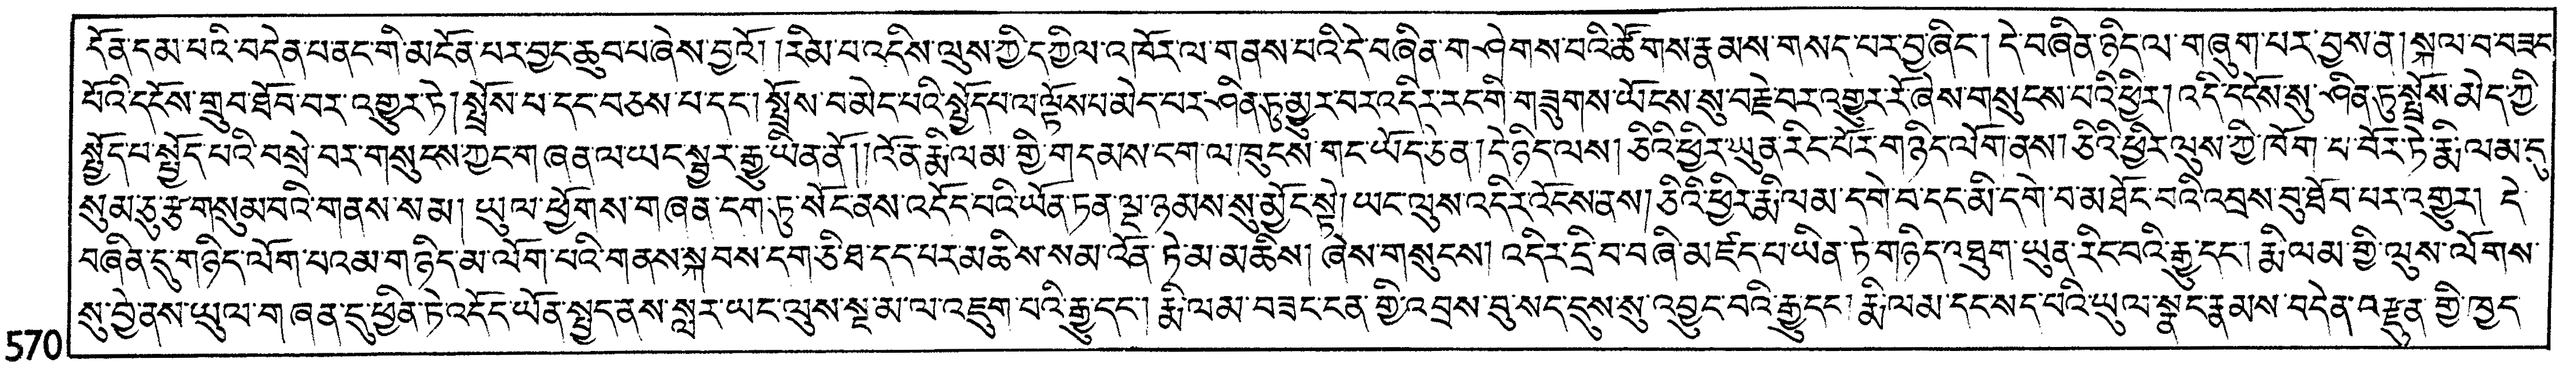དོན་དམ་པའི་བདེན་པ་ནང་གི་མངོན་པར་བྱང་ཆུབ་པ་ཞེས་བྱའོ། །རིམ་པ་འདིས་ལུས་ཀྱི་དཀྱིལ་འཁོར་ལ་གནས་པའི་དེ་བཞིན་གཤེགས་པའི་ཚོགས་རྣམས་གསད་པར་བྱ་ཞིང་། དེ་བཞིན་ཉིད་ལ་གཞུག་པར་བྱས་ན། སྐལ་བ་བཟང་
པོའི་དངོས་གྲུབ་ཐོབ་བར་འགྱུར་ཏེ། སྤྲོས་པ་དང་བཅས་པ་དང་། སྤྲོས་བ་མེད་པའི་སྤྱོད་པ་ལ་ལྟོས་པ་མེད་པར་ཤིན་ཏུ་མྱུར་བར་འདིར་རང་གི་གཟུགས་ཡོངས་སུ་བརྗེ་བར་འགྱུར་རོ་ཞེས་གསུངས་པའི་ཕྱིར། འདི་དངོས་སུ་ཤིན་ཏུ་སྤྲོས་མེད་ཀྱི་
སྤྱོད་པ་སྤྱོད་པའི་བསྲེ་བར་གསུངས་ཀྱང་གཞན་ལ་ཡང་སྦྱར་རྒྱུ་ཡིན་ནོ། །འོ་ན་རྨི་ལམ་གྱི་གདམས་ངག་ལ་ཁུངས་གང་ཡོད་ཅེ་ན། དེ་ཉིད་ལས། ཅིའི་ཕྱིར་ཡུན་རིང་པོར་གཉིད་ལོག་ནས། ཅིའི་ཕྱིར་ལུས་ཀྱི་ཁོག་པ་བོར་ཏེ་རྨི་ལམ་དུ་
སུམ་ཅུ་རྩ་གསུམ་བའི་གནས་སམ། ཡུལ་ཕྱོགས་གཞན་དག་ཏུ་སོང་ནས་འདོད་པའི་ཡོན་ཏན་ལྔ་ཉམས་སུ་མྱོང་སྟེ། ཡང་ལུས་འདིར་འོངས་ནས། ཅིའི་ཕྱིར་རྨི་ལམ་དགེ་བ་དང་མི་དགེ་བ་མཐོང་བའི་འབྲས་བུ་ཐོབ་པར་འགྱུར། དེ་
བཞིན་དུ་གཉིད་ལོག་པའམ་གཉིད་མ་ལོག་པའི་གནས་སྐབས་དག་ཅི་ཐ་དད་པར་མཆིས་སམ་འོན་ཏེ་མ་མཆིས། ཞེས་གསུངས། འདིར་དྲི་བ་བཞི་མཛད་པ་ཡིན་ཏེ་གཉིད་འཐུག་ཡུན་རིང་བའི་རྒྱུ་དང་། རྨི་ལམ་གྱི་ལུས་ལོགས་
སུ་བྱེ་ནས་ཡུལ་གཞན་དུ་པྱིན་ཏེ་འདོད་ཡིན་སྤྱད་ནས་སླར་ཡང་ལུས་སྔ་མ་ལ་འཇུག་པའི་རྒྱུ་དང་། མྲི་ལམ་བཟང་ངན་གྱི་འབྲས་བུ་སད་དུས་སུ་འབྱུང་བའི་རྒྱུ་དང་། རྨི་ལམ་དང་སད་པའི་ཡུལ་སྣང་རྣམས་བདེན་པ་རྫུན་གྱི་ཁྱད་